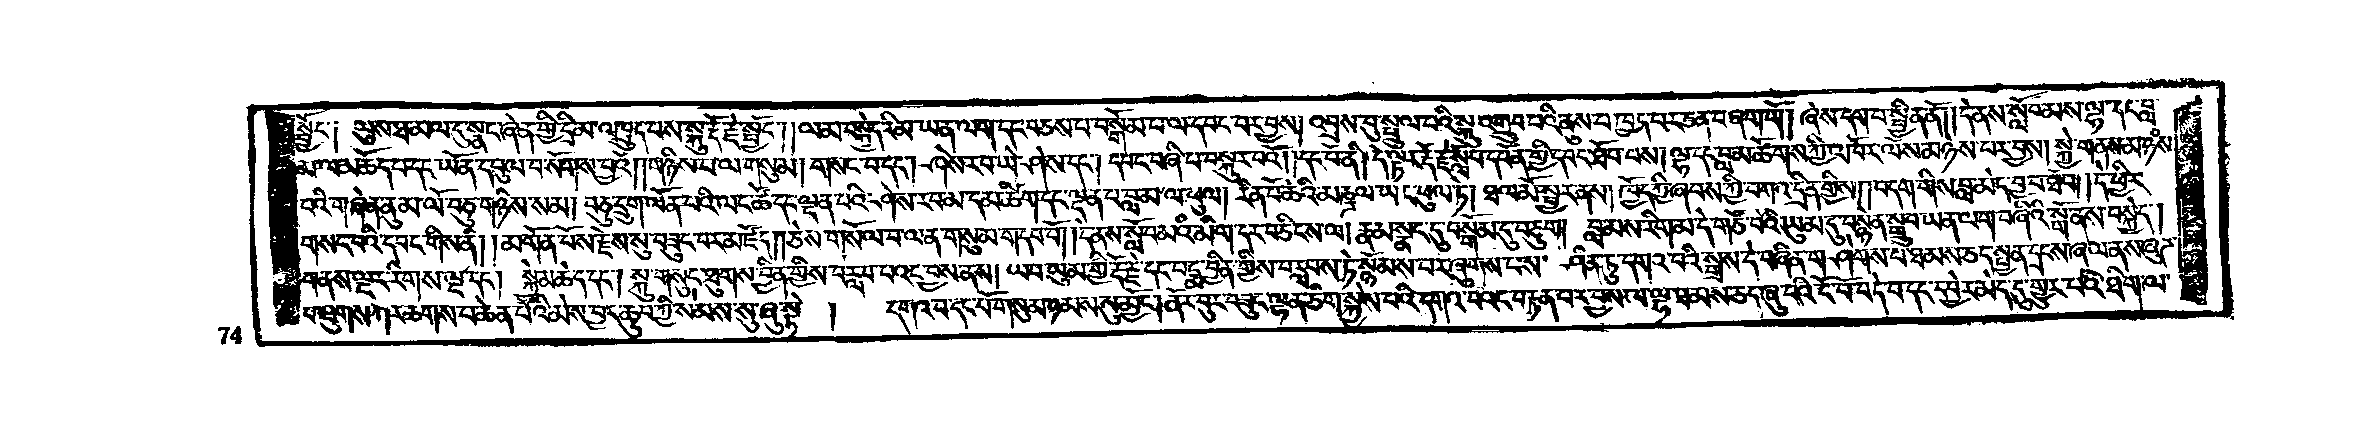སྦྱོང༑ ལུས་ཐམས་ཅད་སྣང་ཞེ་ན་དྲི་མ་འཁྲུད་པས་སྐུ་རྡོ་རྗེ་སྦྱོང་། །ལམ་བསྐྱེད་རིམ་ཡན་ལག་དང་བཅས་པ་བསྒོམ་པ་ལ་དབང་བར་བྱས། འབྲས་བུ་སྤྲུལ་པའི་སྐུ་འགྲུབ་པའི་ནུས་བ་ཁྱད་པར་ཅན་བཞག་གོ །ཞེས་དག་པ་སྦྱོན་ནོ། །དེ་ནས་སློབ་མས་ལྷ་དང་བླ་
མ་ལ་མཆོད་པ་དང་ཡོན་དབུལ་བ་སོགས་བྱའོ། །གཉིས་པ་ལ་གསུམ། གསང་བ་དང་། ཤེས་རབ་ཡེ་ཤེས་དང་། དབང་བཞི་པ་བསྐུར་བའོ། །དང་པོ་ནི། དེ་ལྟར་རྡོ་རྗེ་སློབ་དཔོན་གྱི་དབང་ཐོབ་པས། ལྷ་དང་བླ་མ་ཚོགས་ཀྱི་འཁོར་ལོས་མཉེས་པར་བྱས། སྐྱེ་གནས་མ་ཉམས་
པའི་གཞེན་ནུ་མ་ལོ་བཅུ་གཉིས་སམ། བཅུ་དྲུག་ལོན་པའི་ལང་ཚེ་དང་ལྡན་པའི་ཤེས་རབ་མ་དམ་ཚིག་དང་ལྡན་པ་བླ་མ་ལ་ཕུལ། རིན་པོ་ཆེའི་མཎཌལ་ཡང་ཕུལ་ཏེ། ཐལ་མོ་སྦྱར་ནས། ཁྱོད་ཀྱི་ཞབས་ཀྱི་བཀའ་དྲིན་གྱིས། །བདག་གིས་བླ་མེད་བྱ་བ་ཐོབ། །དེ་ཕྱིར་
གསང་བའི་དབང་གིས་ནི། །མགོན་པོས་རྗེས་སུ་བཟུང་བར་མཛོད། །ཅེས་གསོལ་བ་ལན་གསུམ་གདབ་བོ། །དེ་ནས་སློབ་མའི་མིག་དང་བཅིངས་ལ། རྣམ་སྣང་དུ་བསྒོམ་དུ་བཅུག །བླ་མས་རིག་མ་དེ་གཙོ་བོའི་ཡུམ་དུ་བསྙེན་སྒྲུབ་ཡན་ལག་བཞིའི་སྒོ་ནས་བསྐྱེད།
གནས་ལྔར་རིགས་ལྔ་དང་། སྐྱེ་མཆེད་དང་། སྐུ་གསུང་ཐུགས་བྱིན་གྱིས་བརླབ་པའང་བྱས་ནས། ཡབ་ཡུམ་གྱི་རྡོ་རྗེ་དང་པདམ་བྱིན་གྱིས་བརླབས་ཏེ་སྙོམས་པར་ཞུགས་པས། ཤིན་ཏུ་དགའ་བའི་སྒྲས་དེ་བཞིན་གཤེགས་པ་ཐམས་ཅད་སྤྱན་དྲངས་ཞལ་ནས་ཞུགས་
པ་ཐུགས་ཀར་ཆགས་པ་ཆེན་པོའི་མེས་བྱང་ཆུབ་ཀྱི་སེམས་སུ་ཞུ་སྶྟེ། དགའ་བ་དང་པོ་གསུམ་ཉམས་སུ་མྱོངས། བོར་བུར་བཟུང་ལྷན་ཅིག་སྐྱེས་བའི་དགའ་བའང་བརྟན་པར་བྱས་ལ་ལྷ་ཐམས་ཅད་ཞུ་བའི་ངོ་བོ་བདེ་བ་དང་དབྱེར་མེད་དུ་གཡ་